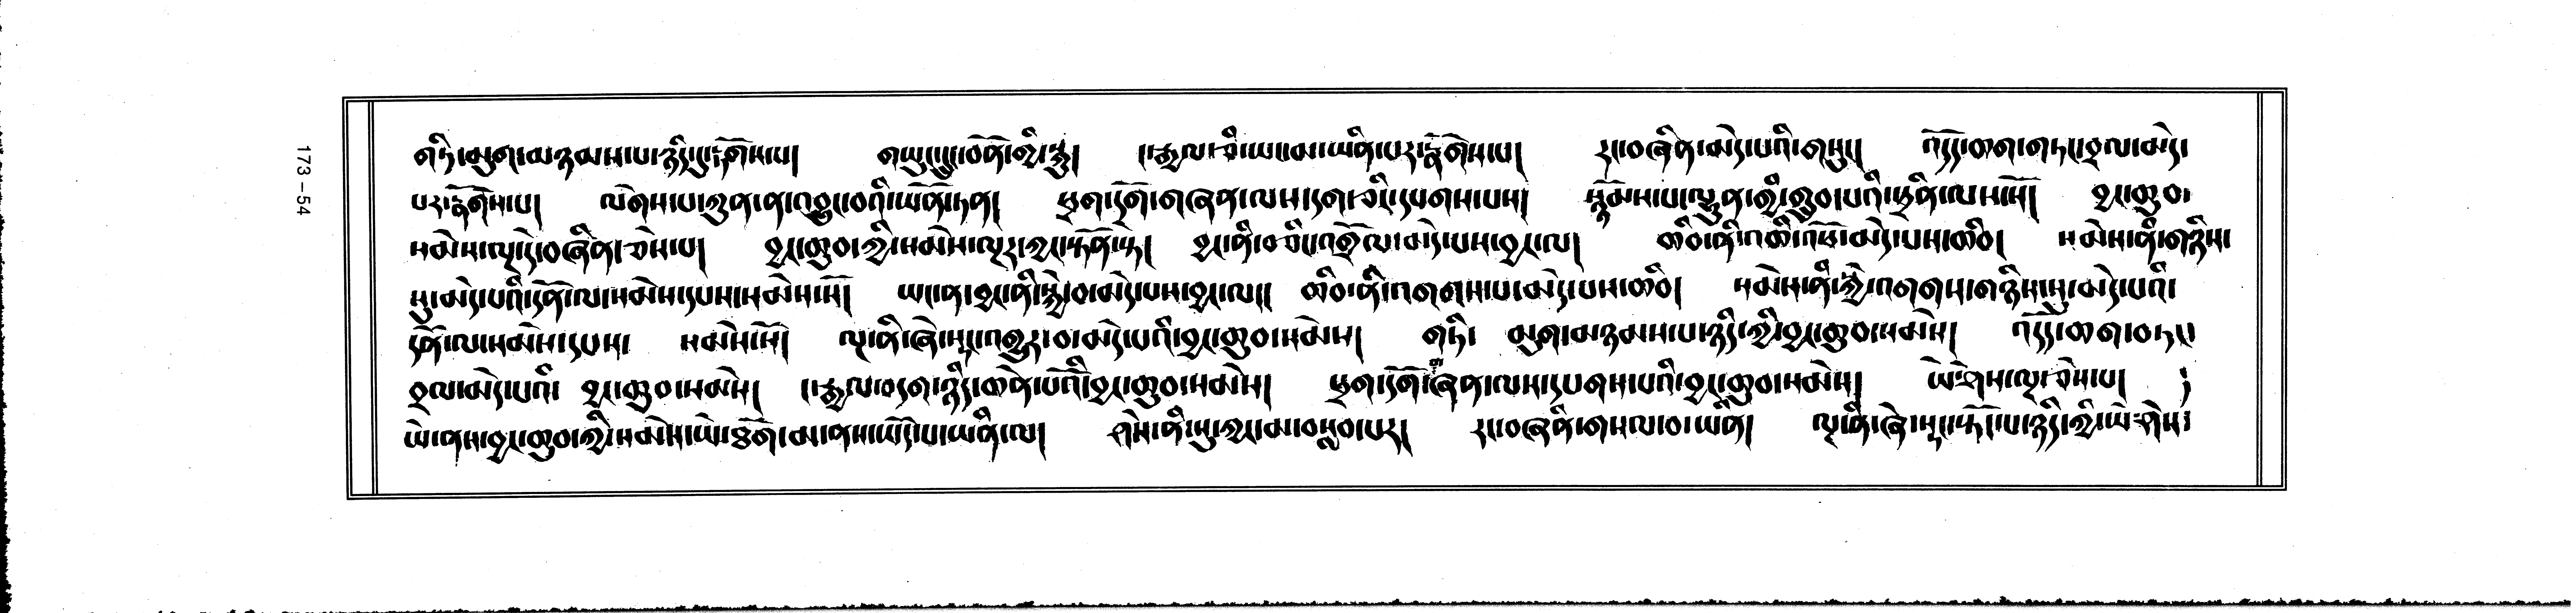གཏི་མུག་མཉམ་པ་ཉིད་དུ་རྟོགས་པ། གཡུང་དྲུང་བོན་གྱི་སྐུ། ང་རྒྱལ་ཅི་ཡང་མ་ཡིན་པ་རྟོགས་པ་རང་བཞིན་མེད་པའི་གསུང་། འདོད་ཆགས་གཏང་འབྲལ་མེད་
པར་རྟོགས་པ། ལེགས་པ་ཀུན་ནས་འབྱུང་བའི་ཡོན་ཏན། ཕྲག་དོག་གཞན་ལས་དག་ཅིང་དཔགས་པས། སྙོམས་པར་ལྷུན་གྱིས་གྲུབ་པའི་འཕྲིན་ལས་སོ། །བྱང་ཆུབ་
སེམས་ལྔ་དེ་བཞིན་ཅེས་པ། བྱང་ཆུབ་ཀྱི་སེམས་ལྔར་ཡང་སྟོན་ཏེ། བྱང་ནི་བཅིང་འགྲོལ་མེད་པས་བྱང་ལ། ཆུབ་ནི་འཆི་འཕོ་མེད་པས་ཆུབ། སེམས་ནི་གཉིས་
སུ་མེད་པའི་དོན་ལ་སེམས་དཔས་སེམས་སོ། །ཡང་ན་བྱང་ནི་སྐྱེ་བ་མེད་པས་བྱང་ལ། ཆུབ་ནི་འགག་པ་མེད་པས་ཆུབ། སེམས་ནི་སྐྱེ་འགག་གཉིས་སུ་མེད་པའི་
དོན་ལ་སེམས་དཔས་སེམས་སོ། །ལྔ་ནི་ཞེ་སྡང་འགྱུར་བ་མེད་པའི་བྱང་ཆུབ་སེམས། གཏི་མུག་མཉམ་པ་ཉིད་ཀྱི་བྱང་ཆུབ་སེམས། འདོད་ཆགས་གཏང་
བྲལ་མེད་པའི་བྱང་ཆུབ་སེམས། ང་རྒྱལ་བདག་ཉིད་ཆེན་པོའི་བྱང་ཆུབ་སེམས། ཕྲག་དོག་གཞན་ལས་དཔགས་པའི་བྱང་ཆུབ་སེམས། ཡེ་ཤེས་ལྔ་ཅེས་པ། 
ཡེ་ནས་བྱང་ཆུབ་ཀྱི་སེམས་ཡེ་ཐོག་མ་ནས་ཡོད་པ་ཡིན་ལ། ཤེས་ནི་སུས་ཀྱང་མ་བསླབས་པར། རང་བཞིན་གསལ་བ་ཡིན། ལྔ་ནི་ཞེ་སྡང་སྟོང་པ་ཉིད་ཀྱི་ཡེ་ཤེས།